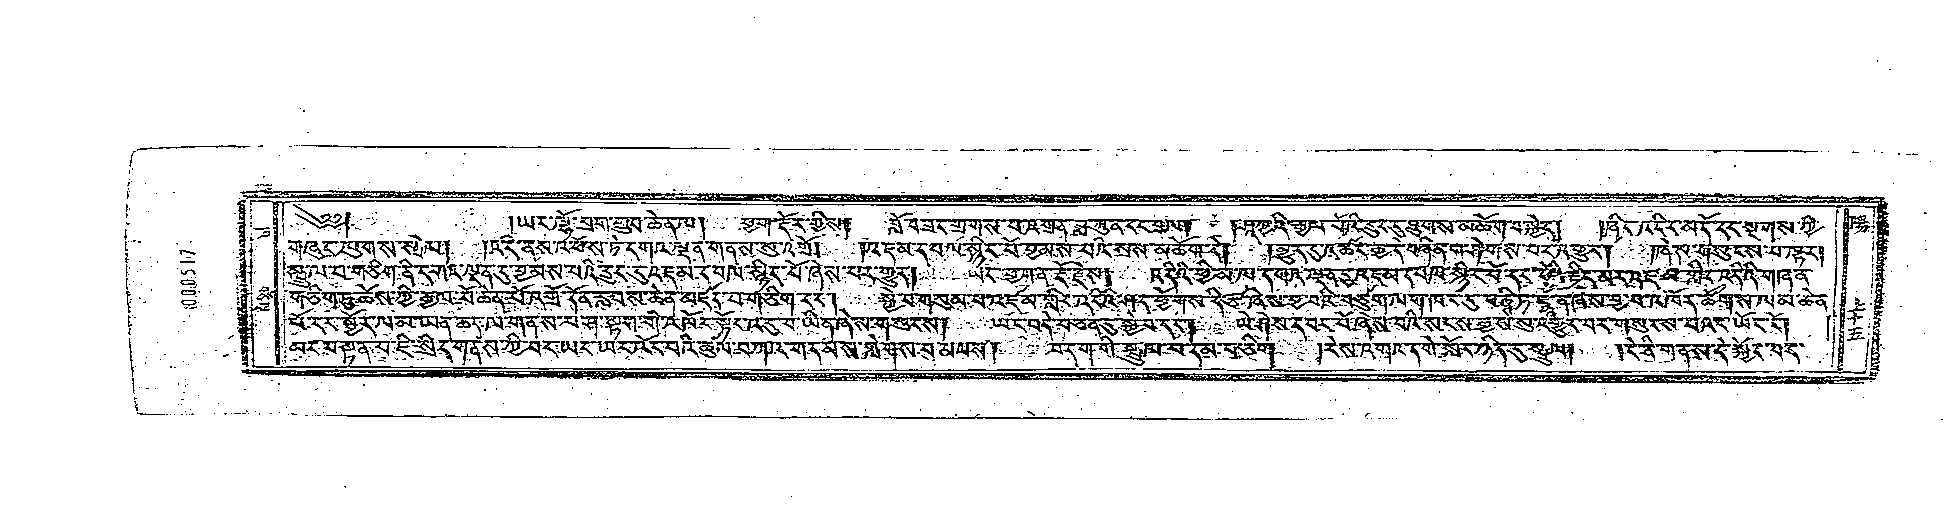༄༅། །ཡང་ལྷོ་བྲག་གྲུབ་ཆེན་ལ། ཕྱག་རྡོར་གྱིས། བློ་བཟང་གྲགས་བ་འགྲན་ཟླ་ཀུན་དང་བྲལ། །ཤཱཀྱའི་རྒྱལ་བོའི་དྲུང་དུ་ཐུགས་མཆོག་བསྐྱེད། །ཞིང་འདིར་མདོ་དང་སྔགས་ཀྱི་
གཞུང་ལུགས་སྤེལ། །འདི་ནས་འཕོས་ཏེ་དགའ་ལྡན་གནས་སུ་འགྲོ། །འཇམ་དཔལ་སྙིང་བོ་བྱམས་པའི་སྲས་མཆོག་དེ། །མྱུར་དུ་འཚང་རྒྱ་དེ་བཞིན་གཤེགས་པར་འགྱུར། །ཞེས་གསུངས་པ་ལྟར།
སྤྲུལ་པ་གཅིག་ནི་དགའ་ལྡན་དུ་བྱམས་པའི་དྲུང་དུ་འཇམ་དཔལ་སྙིང་པོ་ཞེས་པར་གྱུར། ཡང་ཕྱག་ན་རྡོ་རྗེས། འདིའི་ཕྱི་མ་ལ་དགའ་ལྡན་དུ་འཇམ་དཔལ་སྙིང་པོ་དང་དེའི་རྟིང་མར་འཇམ་གླིང་འདིའི་གཞན་
གཅིག་ཏུ་ཆོས་ཀྱི་རྒྱལ་པོ་ཆེན་པོ་འགྲོ་དོན་རླབས་ཆེན་མཛད་བ་གཅིག་དང་། སྐྱེ་བ་གསུམ་པ་འཛམ་གླིང་འདིའི་ཤར་ཕྱོགས་དི་རྩ་ཞེས་བྱ་བའི་གཙུག་ལག་ཁང་དུ་པཎྜི་ཏ་ཟྙཱ་ན་ཞེས་བྱ་བ་འཁོར་ཚོགས་ལམ་ཆེན་
པོ་དང་སྦྱོར་ལམ་ཡན་ཆད་ལ་གནས་པ་ཤ་སྟག་གི་འཁོར་སྟོང་འདུ་བ་ཡིན་ཞེས་གསུངས། ཡང་བདེ་བ་ཅན་དུ་སྐྱེ་བ་དང་། ཡེ་ཤེས་དབང་པོ་ཞེས་བའི་སངས་རྒྱས་སུ་འགྱུར་བར་གསུངས་པའང་ཡོད་དོ། །
མདོ་བསྟན་བ་ཇི་སྲིད་གནས་ཀྱི་བར་ཡང་ཡང་འོང་བའི་ཚུལ་བཀའ་གདམས་གླེགས་བམ་ལས། བདག་གི་སྤྲུལ་པ་དམ་པ་ཅིག །རེས་འགའ་དགེ་སློང་ཉིད་དུ་སྤྲུལ། །དེ་ནི་གནས་དེ་སྐྱོང་བར་